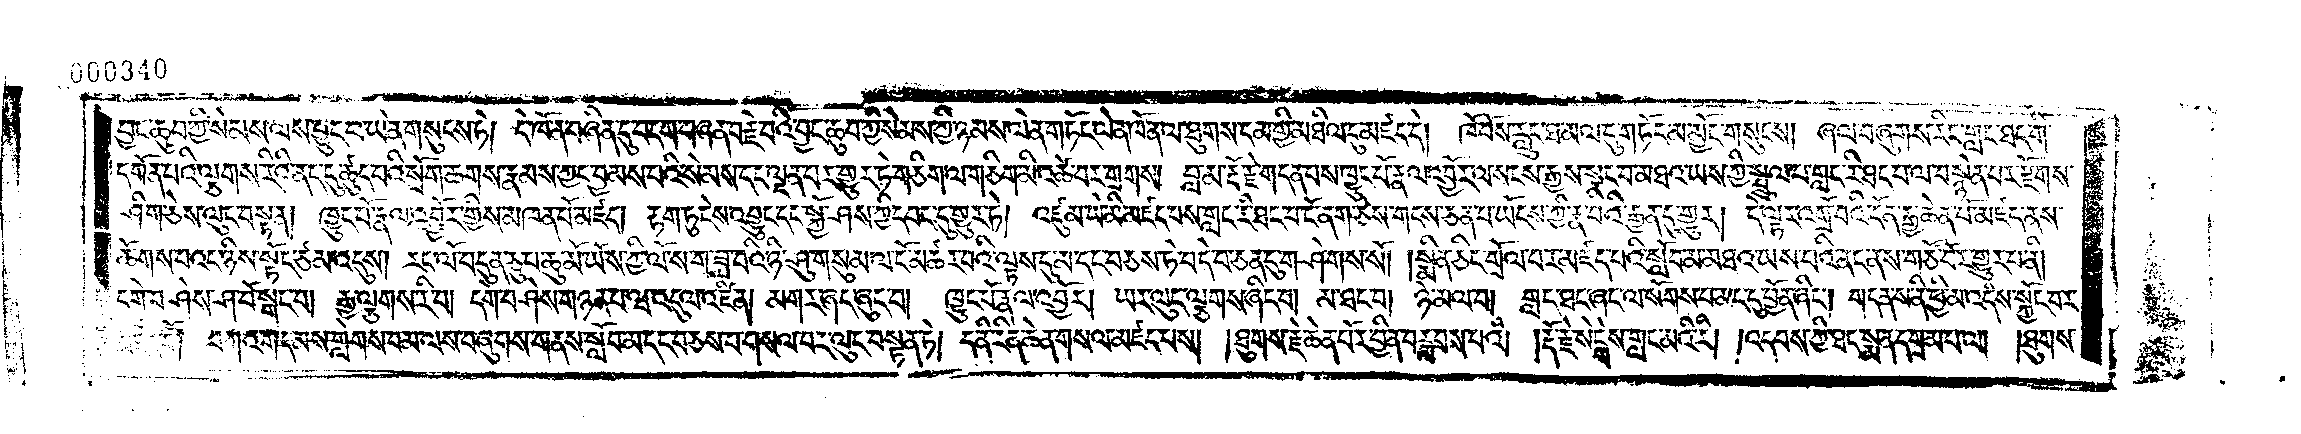བྱང་ཆུབ་ཀྱི་སེམས་ལས་བྱུང་བ་ཡིན་གསུངས་ཏེ། དེ་ཁོ་ན་བཞིན་དུ་བདག་གཞན་བརྗེ་བའི་བྱང་ཆུབ་ཀྱི་སེམས་ཀྱི་ཉམས་ལེན་གཏོང་ལེན་ཁོ་ན་ལ་ཐུགས་དམ་གྱི་མཐིལ་དུ་མཛད་དེ། ཁོ་བོས་རླུང་ཐ་མལ་དུ་གཏོང་མ་མྱོང་གསུངས། ཞལ་བཞུགས་རིང་གླང་ཐང་གི་
དགོན་པའི་ལྕགས་རིའི་ནང་དུ་ཚུད་པའི་སྲོག་ཆགས་རྣམས་ཀྱང་བྱམས་པའི་སེམས་དང་ལྡན་པར་གྱུར་ཏེ་གཅིག་ལ་གཅིག་མི་འཚེ་བར་གྲགས། བླ་མ་རྡོ་རྗེ་གདན་པས་ཁྱུང་པོ་རྣལ་འབྱོར་ལ་སངས་རྒྱས་སྣང་བ་མཐའ་ཡས་ཀྱི་སྤྲུལ་པ་གླང་རི་ཐད་པ་ལ་བསྙེན་པར་རྫོགས་
ཤིག་ཅེས་ལུང་བསྟན། ཁྱུང་པོ་རྣལ་འབྱོར་གྱིས་མཁན་པོ་མཛད། རྟག་ཏུ་ངེས་འབྱུང་དང་སྐྱོ་ཤས་ཀྱི་དབང་དུ་གྱུར་ཏེ། འཛུམ་ཡེ་མི་མཛད་པས་གླང་རི་ཐང་པ་ངོ་ནག་ཅེས་གངས་ཅན་པ་ཡོངས་ཀྱི་རྣ་བའི་རྒྱན་དུ་གྱུར། དེ་ལྟར་འགྲོ་བའི་དོན་རྒྱ་ཆེན་པོ་མཛད་ནས་
ཚོགས་བའང་ཉིས་སྟོང་ཙམ་འདུས། རང་ལོ་བདུན་ཅུ་བ་ཆུ་མོ་ཡོས་ཀྱི་ལོ་ས་ག་ཟླ་བའི་ཉི་ཤུ་གསུམ་ལ་ངོ་མཚར་བའི་ལྟས་དུ་མ་དང་བཅས་ཏེ་བདེ་བ་ཅན་དུ་གཤེགས་སོ། །སྨིན་ཅིང་གྲོལ་བར་མཛད་པའི་སློབ་མ་མཐའ་ཡས་བའི་ནང་ནས་གཙོ་བོར་གྱུར་པ་ནི།
དགེ་བཤེས་ཤ་བོ་སྒང་བ། རྒྱ་ལྕགས་རི་བ། དགེ་བཤེས་གཉན་པ་ཝ་འདུལ་འཛིན། མགར་ཞང་ཞུང་བ། ཁྱུང་པོ་རྣལ་འབྱོར། ཡར་ལུང་ལྕགས་ཞིང་བ། མ་ཐང་བ། ཉེ་མལ་བ། གླང་ཐང་ཞང་ལ་སོགས་པ་མང་དུ་བྱོན་ཞིང་། གདན་ས་ནི་ཕྱི་མ་འདིས་སྐྱོང་བར་
མཛད་དོ། བཀའ་གདམས་གླེགས་བམ་ལས་བཞུགས་གནས་སློབ་མ་དང་བཅས་པ་གསལ་བར་ལུང་བསྟན་ཏེ། ད་ནི་རིན་ཆེན་གསལ་མཛད་པས། །ཐུགས་རྗེ་ཆེན་པོར་བྱིན་བརླབས་པའི། །རྡོ་རྗེ་སེངྒེས་གླང་མའི་རི། །འདབས་ཀྱི་ཐང་སྨན་དགྲམ་པ་ལ། །ཐུགས་